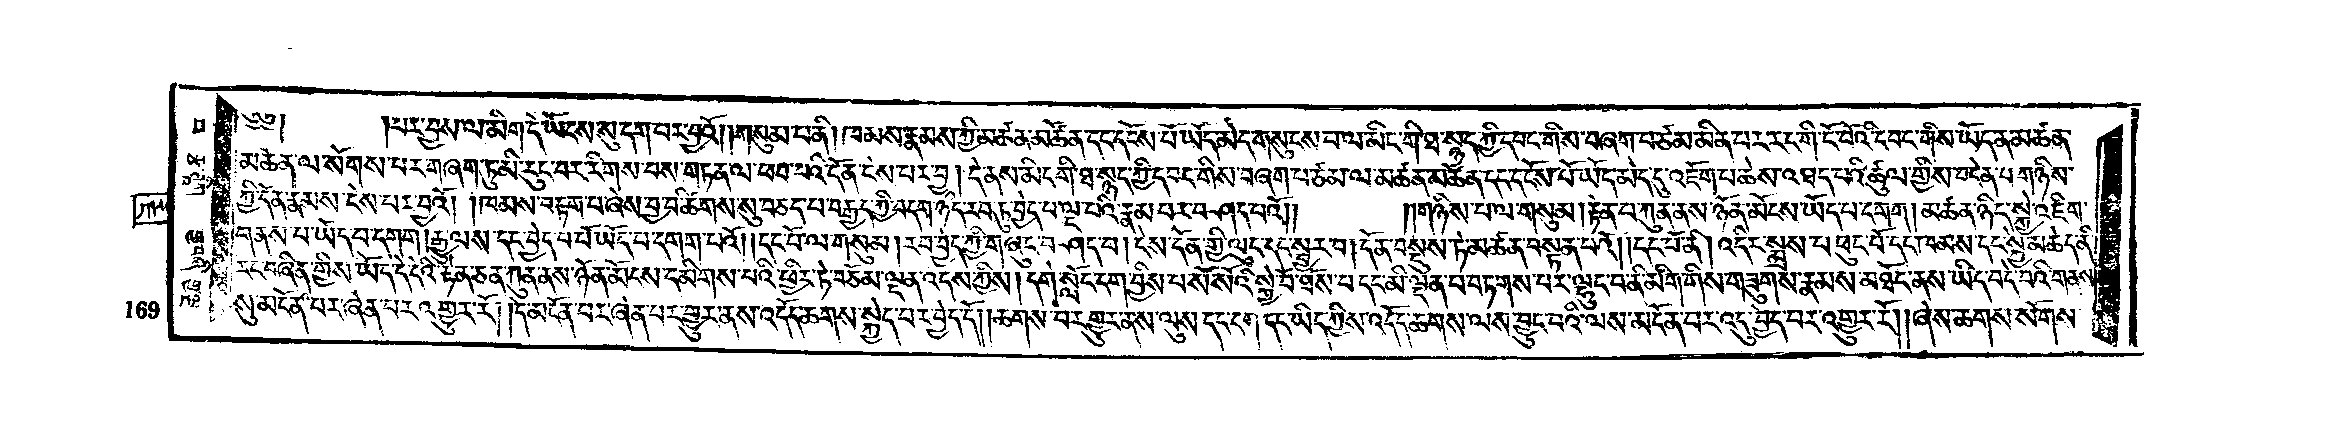༄༅། །པར་བྱས་ལ་མིག་དེ་ཡོངས་སུ་དག་པར་བྱའོ། །གསུམ་པ་ནི། ཁམས་རྣམས་ཀྱི་མཚན་མཚོན་དང་དངོས་པོ་ཡོད་མེད་གསུངས་པ་ལ་མིང་གི་ཐ་སྙད་ཀྱི་དབང་གིས་བཞག་པ་ཙམ་མིན་པར་རང་གི་ངོ་བོའི་དབང་གིས་ཡོད་ན་མཚན་
མཚོན་ལ་སོགས་པར་གཞག་ཏུ་མི་རུང་བར་རིགས་པས་གཏན་ལ་ཕབ་པའི་དོན་ངེས་པར་བྱ། དེ་ནས་མིང་གི་ཐ་སྙད་ཀྱི་དབང་གིས་བཞག་པ་ཙམ་ལ་མཚན་མཚོན་དང་དངོས་པོ་ཡོད་མེད་དུ་འཇིག་པ་ཆེས་འཐད་པའི་ཚུལ་གྱིས་བདེན་པ་གཉིས་
ཀྱི་དོན་རྣམས་ངེས་པར་བྱའོ། །ཁམས་བརྟག་པ་ཞེས་བྱ་བ་ཚིགས་སུ་བཅད་པ་བརྒྱད་ཀྱི་བདག་ཉིད་རབ་ཏུ་བྱེད་པ་ལྔ་པའི་རྣམ་པར་བཤད་པའོ།། །།གཉིས་པ་ལ་གསུམ། རྟེན་པ་ཀུན་ནས་ཉོན་མོངས་ཡོད་པ་དགག། མཚན་ཉིད་སྐྱེ་འཇིག་
གནས་པ་ཡོད་པ་དགག། རྒྱུ་ལས་དང་བྱེད་པ་པོ་ཡོད་པ་དགག་པའོ། །དང་པོ་ལ་གསུམ། རབ་བྱེད་ཀྱི་གཞུང་བཤད་པ། ངེས་དོན་གྱི་ལུང་དང་སྦྱར་བ། དོན་བསྡུས་ཏེ་མཚན་བསྟན་པའོ། །དང་པོ་ནི། འདིར་སྨྲས་པ་ཕུང་པོ་དང་ཁམས་དང་སྐྱེ་མཆེད་ནི་
རང་བཞིན་གྱིས་ཡོད་དེ་དེའི་རྟེན་ཅན་ཀུན་ནས་ཉོན་མོངས་དམིགས་པའི་ཕྱིར་ཏེ་བཅོམ་ལྡན་འདས་ཀྱིས། དགེ་སློང་དག་བྱིས་པ་སོ་སོའི་སྐྱེ་བོ་ཐོས་པ་དང་མི་ལྡན་པ་བཏགས་པར་ལྷུང་བ་མིག་གིས་གཟུགས་རྣམས་མཐོང་ནས་ཡིད་བདེ་བའི་གནས་
སུ་མངོན་པར་ཞེན་པར་འགྱུར་རོ། །དེ་མངོན་པར་ཞེན་པར་གྱུར་ནས་འདོད་ཆགས་སྐྱེད་པར་བྱེད་དོ། །ཆགས་པར་གྱུར་ནས་ལུས་དང་ངག་དང་ཡིད་ཀྱིས་འདོད་ཆགས་ལས་བྱུང་བའི་ལས་མངོན་པར་འདུ་བྱེད་པར་འགྱུར་རོ། །ཞེས་ཆགས་སོགས་